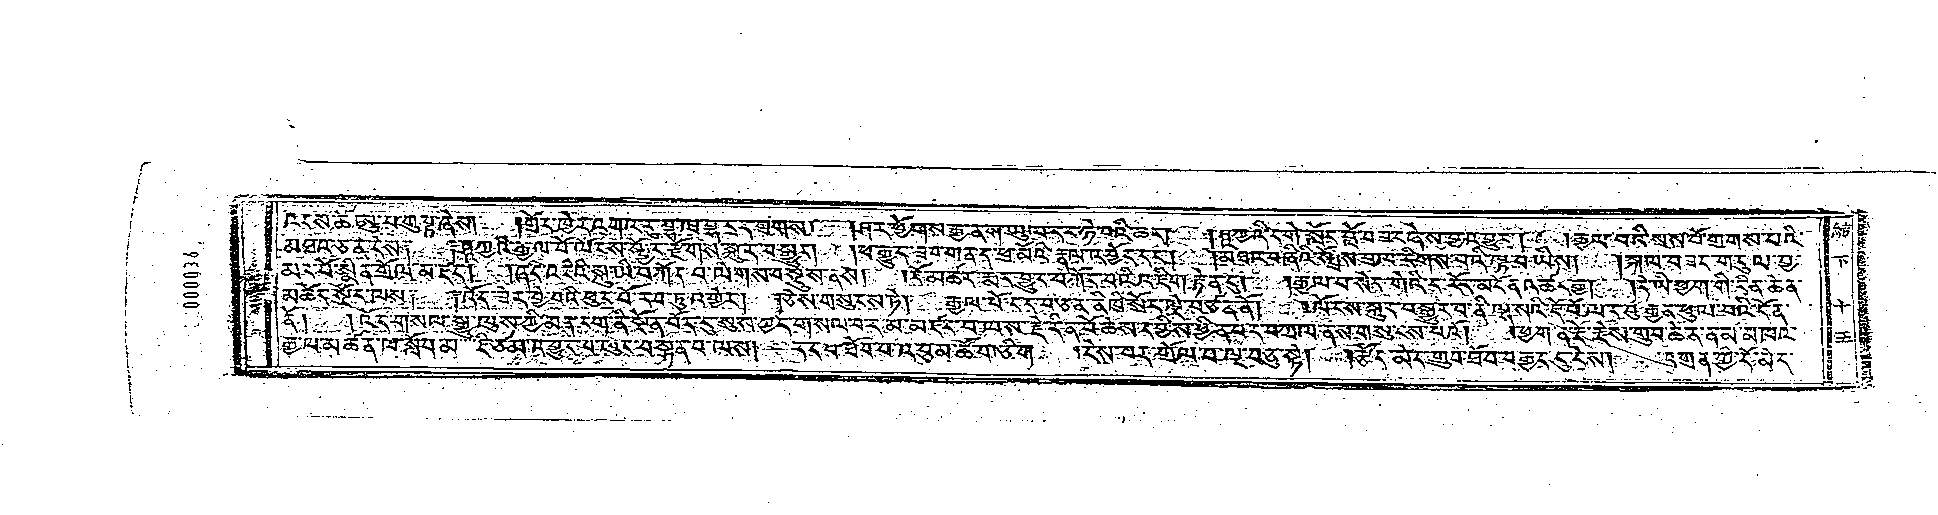ལངས་ཚོ་ཨུ་པ་གུཔྟ་ཞེས། །གྲོང་ཁྱེར་འགའ་རུ་བྷ་ཝ་བྷ་དྲང་གྲགས། །ཤར་ཕྱོགས་རྒྱ་ནག་ཡུལ་དང་ཉེ་བའི་ཆད། །ཤཱཀྱའི་དགེ་སློང་བློ་བཟང་ཞེས་བྱ་འབྱུང་། །རྒྱལ་བའི་སྲས་པོ་གྲགས་པའི་
མཐའ་ཅན་ངེས༑ ༑ཤཱཀྱའི་རྒྱལ་པོ་ལོངས་སྤྱོད་རྫོགས་སྐུར་བསྒྱུར། །ཕ་རྒྱུད་ཟབ་གནད་ཕྲ་མོའི་རྣལ་འབྱོར་དང་། །མཐའ་བཞིའི་སྤྲོས་བྲལ་རིགས་པའི་ལྟ་བ་ཡིས། །སྐལ་བཟང་གདུལ་བྱ་
མང་པོ་སྨིན་གྲོལ་མཛད། །ཞིང་འདིའི་སྐུ་ཡི་བཀོད་པ་ལེགས་བསྡུས་ནས། །ངོ་མཚར་རྨད་བྱུང་བཀོད་པའི་འཇིག་རྟེན་དུ། །རྒྱལ་བ་སེང་གེའི་ང་དོར་མངོན་འཚང་རྒྱ། །དེ་ཡི་ཕྱག་གི་རིན་ཆེན་
མཆོད་སྡོད་ལས༑ ༑འོད་ཟེར་བྱེ་བའི་ཕུང་པོ་རབ་ཏུ་འགྱང་། །ཅེས་གསུངས་ཏེ། རྒྱལ་པོ་དང་བ་ཅན་ནི་ཁྲི་སྲོང་ལྡེ་བཙན་ནོ། །ལོངས་སྐུར་བསྐྱར་བ་ནི་ལྷ་སའི་ངོ་བོ་ལ་དབུ་རྒྱན་ཕུལ་བའི་དོན་
ནོ། །འོད་གསལ་སྒྱུ་ལུས་ཀྱི་མན་ངག་ནི་སྔོན་བོད་དུ་སུས་ཀྱང་གསལ་བར་མ་མཛད་པ་ལས་རྗེ་རིན་པོ་ཆེས་དབྱིས་ཕྱིན་པར་བཀྲལ་ནས་གསུངས་པའོ། །ཕྱག་ན་རྡོ་རྗེས་གྲུབ་ཆེན་ནམ་མཁའ་
རྒྱ་ལ་མཚན་ལ་སློབ་མ་ཇི་ཙམ་འབྱུང་བ་ལུང་བསྟན་པ་ལས། དང་པོ་ཐོབ་པ་འབུམ་ཚོ་གཅིག །ངེས་པར་གྲོལ་བ་ལྔ་བཅུ་སྟེ། །རྩོད་མེད་གྲུབ་ཐོབ་བརྒྱད་དུ་ངེས། འགྲན་གྱི་དོ་མེད་